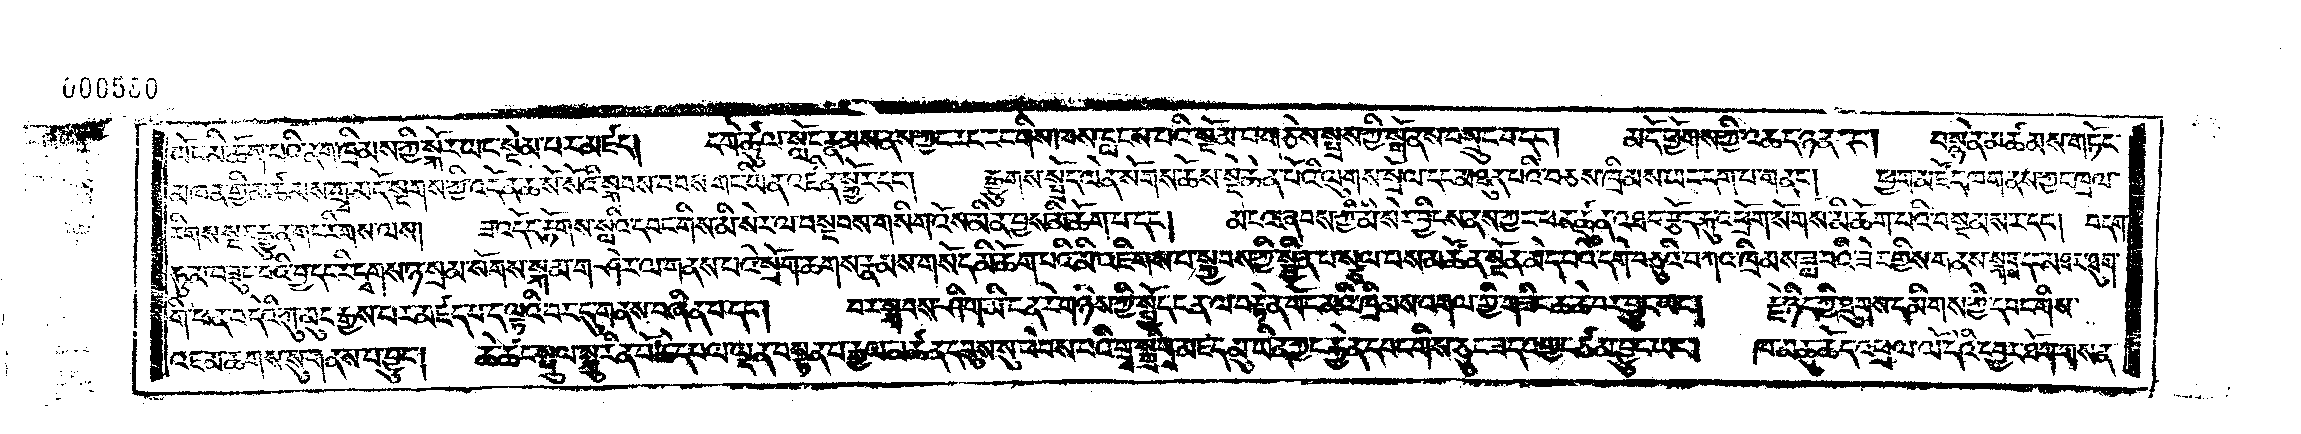ཡོང་མི་ཆོག་པའི་ནག་ཁྲིམས་ཀྱི་སྐོར་ཡང་སྡོམ་པར་མཛད། དགེ་ཚུལ་སློང་རྣམས་ནས་ཀྱང་རང་རང་གིས་ཁས་བླངས་པའི་སྡོམ་པ་གཅེས་སྤྲས་ཀྱི་སྒོ་ནས་བསྲུང་བ་དང་། མདོ་ཕྱོགས་ཀྱི་འཆད་ཉན་དང་། བསྙེན་མཚམས་གཏོང་
མཁན་གྱི་མཚམས་གྲྭ་མདོ་སྔགས་ཀྱི་འདོན་ཆ་སོ་སོའི་སྐབས་བབས་གང་ཡིན་འཛིན་སྐྱོར་དང་། རྒྱུགས་སྤྲོད་ལེན་སོགས་ཆོས་སྡེ་ཆེན་པོའི་ལུགས་སྲོལ་དང་མཐུན་པའི་བཅས་ཁྲིམས་ཡང་དག་པ་གནང་། ཕྱག་མཛོད་ཁག་ནས་ཀྱང་ཁྲལ་
རིགས་སྔར་རྒྱུན་གང་རིགས་ལས། ཟ་འདོད་རྟོགས་སླའི་དབང་གིས་མི་སེར་ལ་བསྡབས་གསིག་འོས་མིན་བྱས་མི་ཆོག་པ་དང་། མངའ་ཞབས་ཀྱི་མི་སེར་བྱིངས་ནས་ཀྱང་ཕན་ཚུན་འཐབ་རྩོད་རྐུ་འཕྲོག་སོགས་མི་ཆོག་པའི་བསྔམས་ར་དང་། བདག་
ཏུ་མ་བཟུང་བའི་བྱ་དང་རི་དྭགས་ཉ་སྲམ་སོགས་སྐམ་གཤེར་ལ་གནས་པའི་སྲོག་ཆགས་རྣམས་གསོད་མི་ཆོག་པའི་མི་འཇིགས་པ་སྐྱབས་ཀྱི་སྦྱིན་པ་སྩལ་བས་མཚོན་སྔོན་མེད་པའི་དགེ་བཅུའི་བཀའ་ཁྲིམས་ཟླ་བའི་ཟེར་གྱིས་གནས་སྐབས་དང་མཐར་ཐུག་
གི་ཕན་བདེའི་ཀུ་མུང་རྒྱས་པར་མཛད་པ་ད་ལྟའི་བར་དུ་གནས་བཞིན་པ་དང་། བར་སྐབས་ཤིག་མི་ངན་རེ་གཉིས་ཀྱི་སྤྱོད་ངན་ལ་བརྟེན་གོང་མའི་ཁྲིམས་འགལ་གྱི་གཟིང་ཆ་ཆེ་བར་བྱུང་ཡང་། རྗེ་ཉིད་ཀྱི་ཐུགས་དམིགས་ཀྱི་དབང་གིས་
འཇམ་ཆགས་སུ་གནས་པ་བྱུང་། ཆེ་ཚང་སྤྲུལ་སྐུ་རིན་པོ་ཆེ་དཔལ་ལྡན་བསྟན་པ་རྒྱལ་མཚན་དབུས་སུ་ཕེབས་པའི་གྲྭ་སྒྲིགས་མཛད་མུ་ཡིན་ཀྱང་རྐྱེན་དབང་གིས་ཅུང་ཟད་འགྱང་ཙམ་བྱུང་ཡང་། ཁ་མཆུ་ཆོད་འཕྲལ་ལོ་དེའི་དབྱར་ཐོག་གསན་